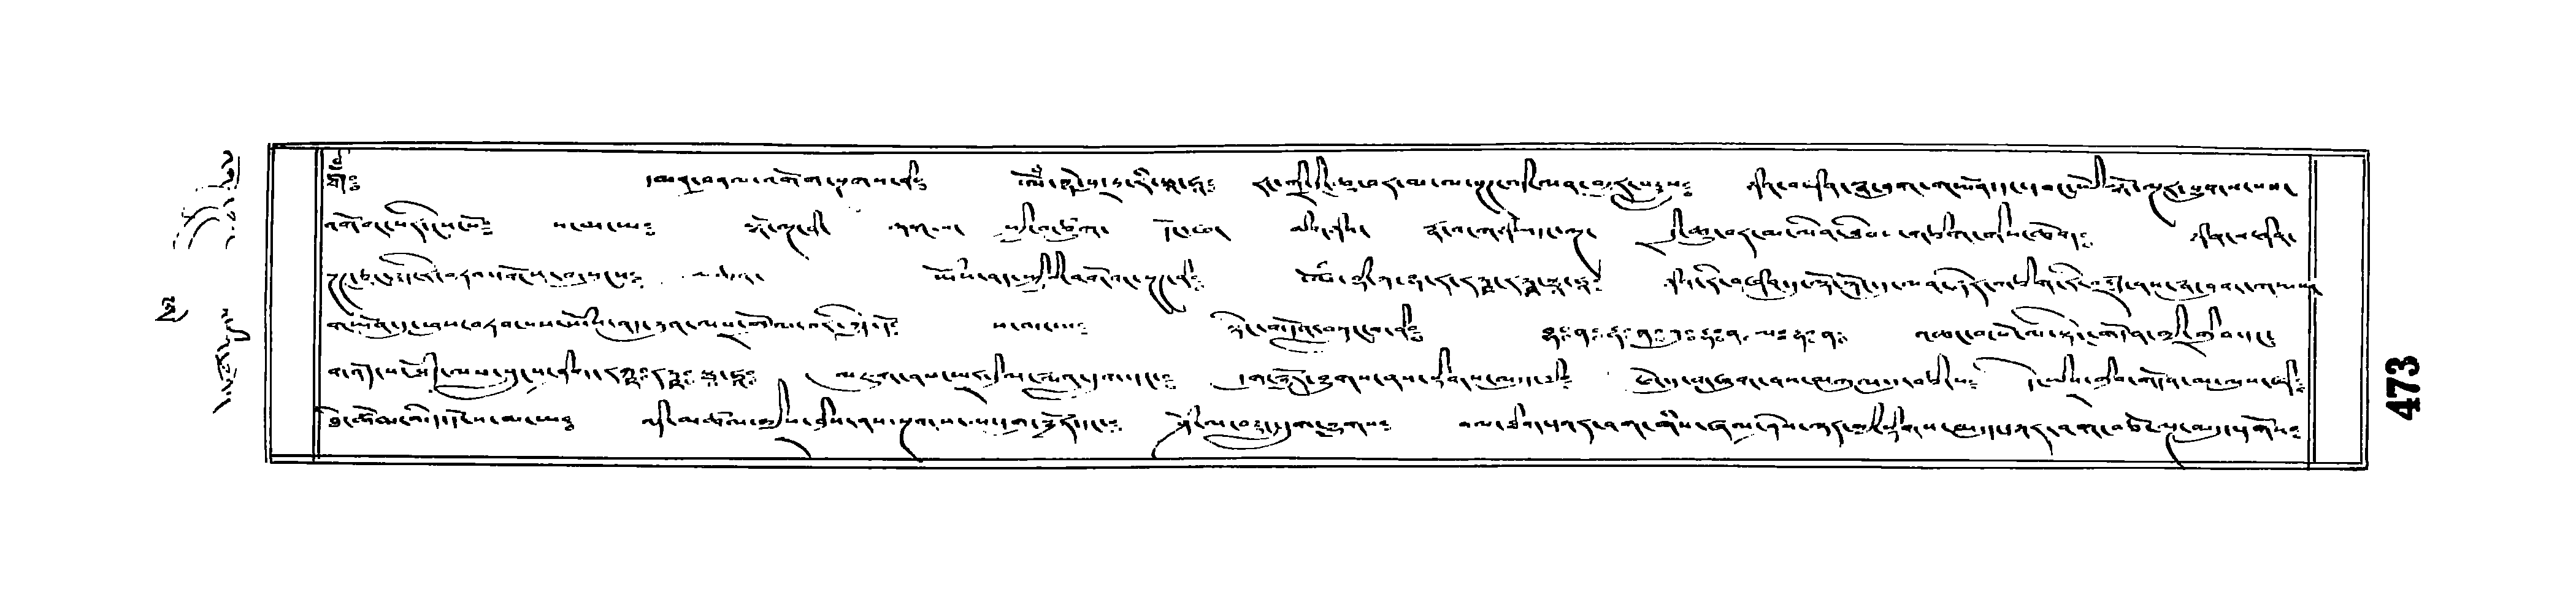དམར་བཤལ་འགོག་སྔགས་ནི༔ ཨོཾ་བྷེ་སུ་ཏྲ་རི་སྭཱ་ཧཱ༔ རང་གི་དྲི་ཆུ་བར་མ་ལ་སྔགས་འདི་ལན་བརྒྱར་བཟླས༔ ཉིན་བཞིན་སྣ་བུག་གཡོན་དང་དབང་པོའི་སྒོ་ལྔར་བྱུགས་པས་
འགོག་པར་ངེས་སོ༔ ས་མ་ཡ༔ སྒོ་ལྔ་ནི། ལྟག་པ། སྤྱི་གཙུག དོང་ཁ། མིག་གཉིས། རྣ་བ་གཉིས་དང་ལྔ། དྲི་ཆུ་བར་མ་ལེན་ཐེབས་གཅིག་གིས་ཆོག༔ ཉིན་བཞིན་
སྔགས་ཅུང་ཟད་རེ་བཏབ་དགོས་གསུངས། མཆན། ཡམས་ནད་སྤྱིའི་འགོག་སྔགས་ནི༔ ཨོཾ་བྷི་ཀ་བྷ་ར་རཀྵ་རཀྵ་སྭཱ་ཧཱ༔ ཉིན་རེ་བཞིན་དུ་ལྟོ་སྟོང་དུ་ལན་ཉེར་གཅིག་རེ་བརྗོད་ནས་སྣ་བུག་གཡན་
གཡོན་དུ་ཕུས་བཏབ་པས་ཡམས་ནད་ཀུན་ལས་གྲོལ་བར་བྱེད་དོ༔ ས་མ་ཡ༔ སྟེང་གདོན་བསྲུང་བ་ནི༔ བྷཿནཿདྷཿནཿཀུཿདྷཿནཿལཿདྷཿནཿ འཆང་པ་པཽ་ལ་སྟེང་གདོན་གྱི་གྲིབ་དང་
གནོད་པ་ཐམས་ཅད་ལས་སྲུངས་ཤིག་རཀྵཿརཀྵཿསྭཱ་ཧཱཿ མཇུག་ནས་ཡར་དྲིལ་སྨན་དྲུག་དང༔ དགུ་སྦྱོར་བྱུགས་ནས་སྡིགས་མདུད་ཀྱི༔ ཁོང་དུ་གཞུག་ནས་མགུལ་དུ་བཅིངས༔ དེ་ཡིས་གྲིབ་གདོན་མ་ལུས་ཞི༔ 
ཐེ་ཚོམ་མེད་དོ་ས་མ་ཡ༔ འདི་མཚལ་གྱིས་བྲིས་ནས་སྔགས་ལ་དགུ་སྦྱོར་དང༔ ཤམ་ལ་བཟང་དྲུག་བྱུགས༔ བལ་ཐིག་དཀར་ནག་གིས་ཞལ་ཤེས་ལྟར་གྱི་སྡིགས་མདུད་དཀར་ནག་བཅོ་ལྔ་མདུད་དགོས༔